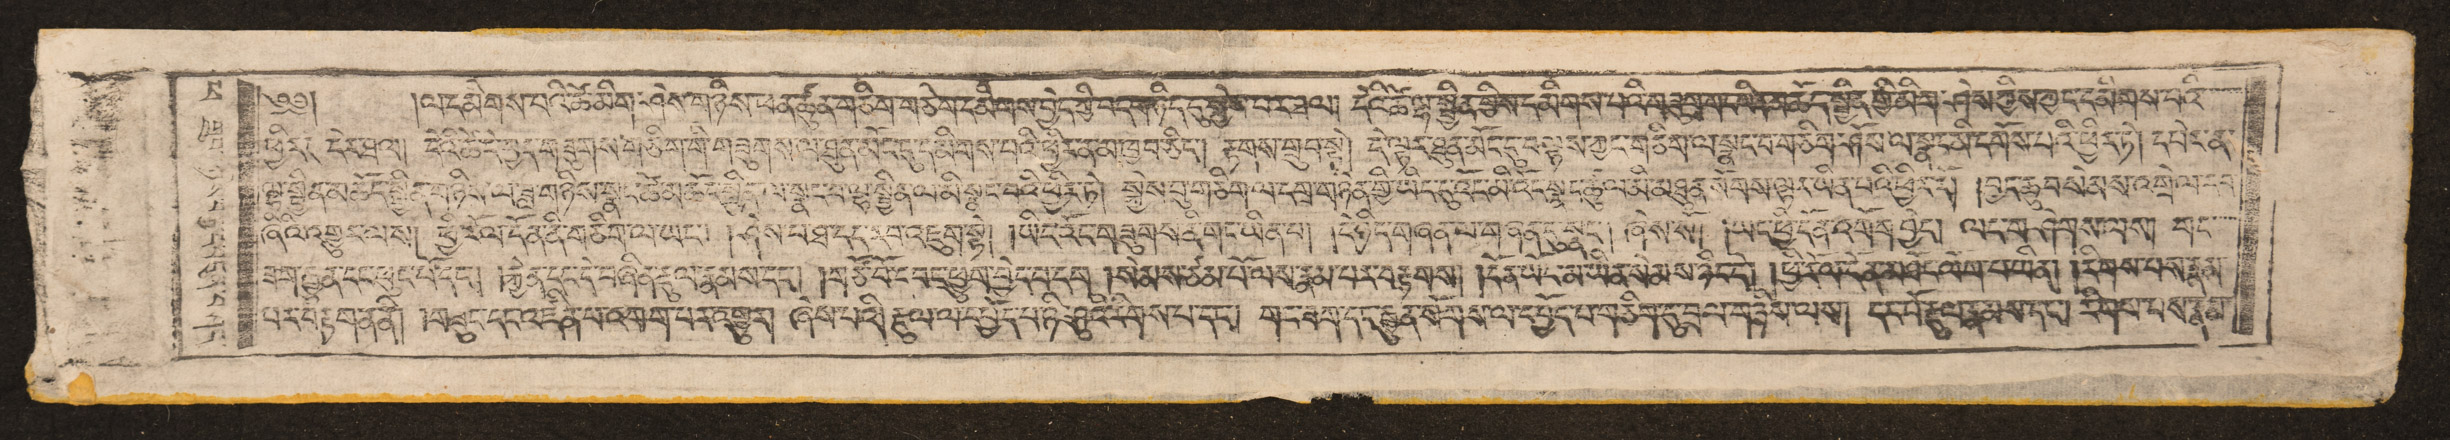༄༅། །ལ་དམིགས་པའི་ཚེ་མིག་ཤེས་གཉིས་ཕན་ཚུན་གཅིག་གཅིག་དམིགས་བྱེད་ཀྱི་བདག་ཉིད་དུ་སྐྱེས་བར་ཐལ། དེའི་ཚེ་ལྷ་སྦྱིན་གྱིས་དམིགས་པའི་གཟུགས་གང་ཡིན་མཆོད་སྦྱིན་གྱི་མིག་ཤེས་ཀྱིས་ཀྱང་དམིགས་པའི་
ཕྱིར༑ དེར་ཐལ། དེའི་ཚེ་དེ་བྱད་གཟུགས་གཅིག་གི་གཟུགས་ལ་ཐུན་མོང་དུ་དམིགས་པའི་ཕྱིར་ན་མཁྱབ་ཅིང་། རྟགས་གྲུབ་སྟེ། དེ་ལྟར་ཐུན་མོང་དུ་བལྟས་ཀྱང་གཅིག་ལ་སྣང་བ་གཅིག་ཤོས་ལ་སྣང་མི་དགོས་པའི་ཕྱིར་ཏེ། དཔེར་ན་
ལྷ་སྦྱིན་མཆོད་སྦྱིན་གཉིས་ལ་ཟླ་གཉིས་སྣང་ཚེ་མཆོད་སྦྱིན་ལ་སྣང་བ་ལྷ་སྦྱིན་ལ་མི་སྣང་བའི་ཕྱིར་ཏེ། སྐྱེས་བུ་གཅིག་ལ་དགྲ་གཉེན་གྱི་ཡིད་དུ་འོང་མི་འོང་སྣང་ཚུལ་མི་མཐུན་སོགས་ལྟར་ཡིན་པའི་ཕྱིར་རོ། །བྱང་ཆུབ་སེམས་འགྲེལ་རབ་
ཞིའི་འགྱུར་ལས། ཕྱི་རོལ་དོན་ནི་གཅིག་ལ་ཡང་། །ཤེས་པ་ཐ་དད་རབ་འཇུག་སྟེ། །ཡིད་འོང་གཟུགས་ནི་གང་ཡིན་བ། །དེ་ཉིད་གཞན་ལ་གཞན་དུ་སྣང་། ཞེས་སོ། ཡང་ཕྱི་དོན་འགོག་བྱེད། ལང་གཤེགས་ལས། གང་
ཟག་རྒྱུན་དང་ལུང་པོ་དང་། །རྐྱེན་དང་དེ་བཞིན་རྡུལ་རྣམས་དང་། །གཙོ་བོ་དབང་ཕྱུག་བྱེད་པ་དག །སེམས་ཙམ་པོ་ལས་རྣམ་པར་བརྟགས། །དོན་ཡོད་མ་ཡིན་སེམས་ཉིད་དེ། །ཕྱི་རོལ་དོན་མཐོང་ལོག་པ་ཡིན། །རིགས་པས་རྣམ་
པར་བརྟག་ན་ནི། །གཟུང་དང་འཛིན་པ་འགག་པར་འགྱུར། ཞེས་པའི། རྡུལ་ལ་དཔྱོད་པ་ཉི་ཤུའི་རིགས་པ་དང་། གང་ཟག་དང་རྒྱུན་སོགས་ལ་དཔྱོད་པ་གཅིག་དུ་བྲལ་གཉིས་ལས། དང་པོ་རྡུལ་རྣམས་དང་། རིགས་པས་རྣམ་